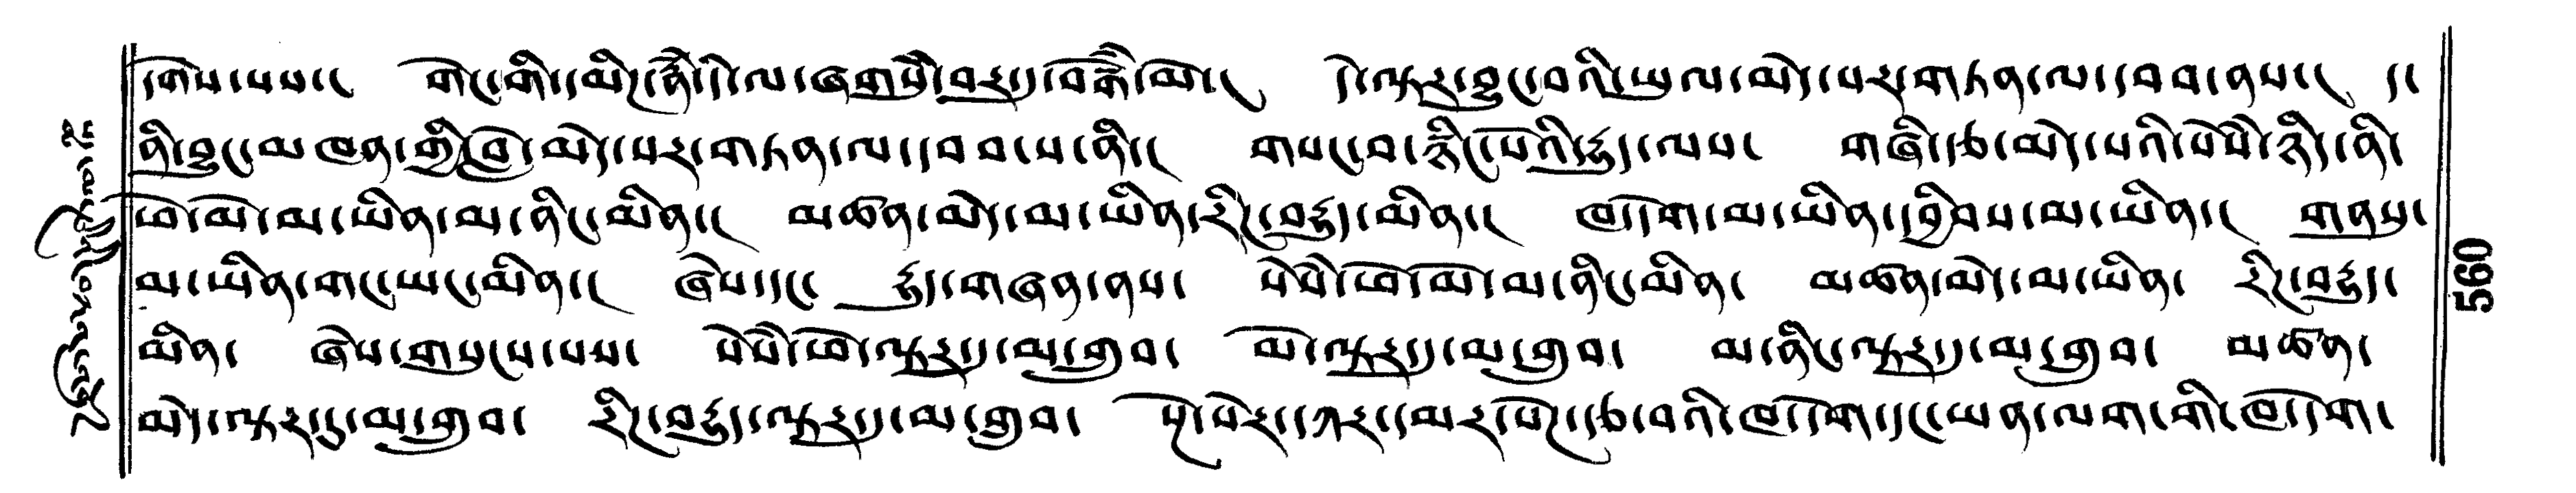དགོས་པས། གོང་གི་དམིགས་རྣམ་དེ་ལ་ཞག་གསུམ་བར་དུ་བསྒོམ་མོ། དེ་ལྟར་བྱུང་སའི་ཡུལ་མེད་པར་གཏན་ལ་དབབ་ནས། ད་
ནི་བྱུང་མཁན་གྱི་བློ་མེད་པར་གཏན་ལ་དབབ་པ་ནི། གསང་བ་སྙིང་པོའི་རྒྱུད་ལས། གཞི་རྩ་མེད་པའི་སེམས་ཉིད་ནི། །
ཕོ་མོ་མ་ཡིན་མ་ནིང་མིན། །མཚན་མེད་མ་ཡིན་རིགས་བརྒྱུད་མིན། ཁ་དོག་མ་ཡིན་དབྱིབས་མ་ཡིན། །གནས་སུ་
མ་ཡིན་གང་ཡང་མིན། ཞེས་དང་། རྒྱུད་གཞན་ལས། སེམས་ཕོ་མོ་མ་ནིང་མིན། མཚན་མེད་མ་ཡིན། རིགས་བརྒྱུད་
མིན། ཞེས་གསུངས་པས། སེམས་ཕོ་ལྟར་དུ་མ་གྲུབ། མོ་ལྟར་དུ་མ་གྲུབ། མ་ནིང་ལྟར་དུ་མ་གྲུབ། མཚན་
མེད་ལྟར་དུ་མ་གྲུབ། རིགས་བརྒྱུད་ལྟར་དུ་མ་གྲུབ། སྔོ་སེར་དཀར་དམར་སོགས་རྩ་བའི་ཁ་དོག་དང་ཡན་ལག་གི་ཁ་དོག་